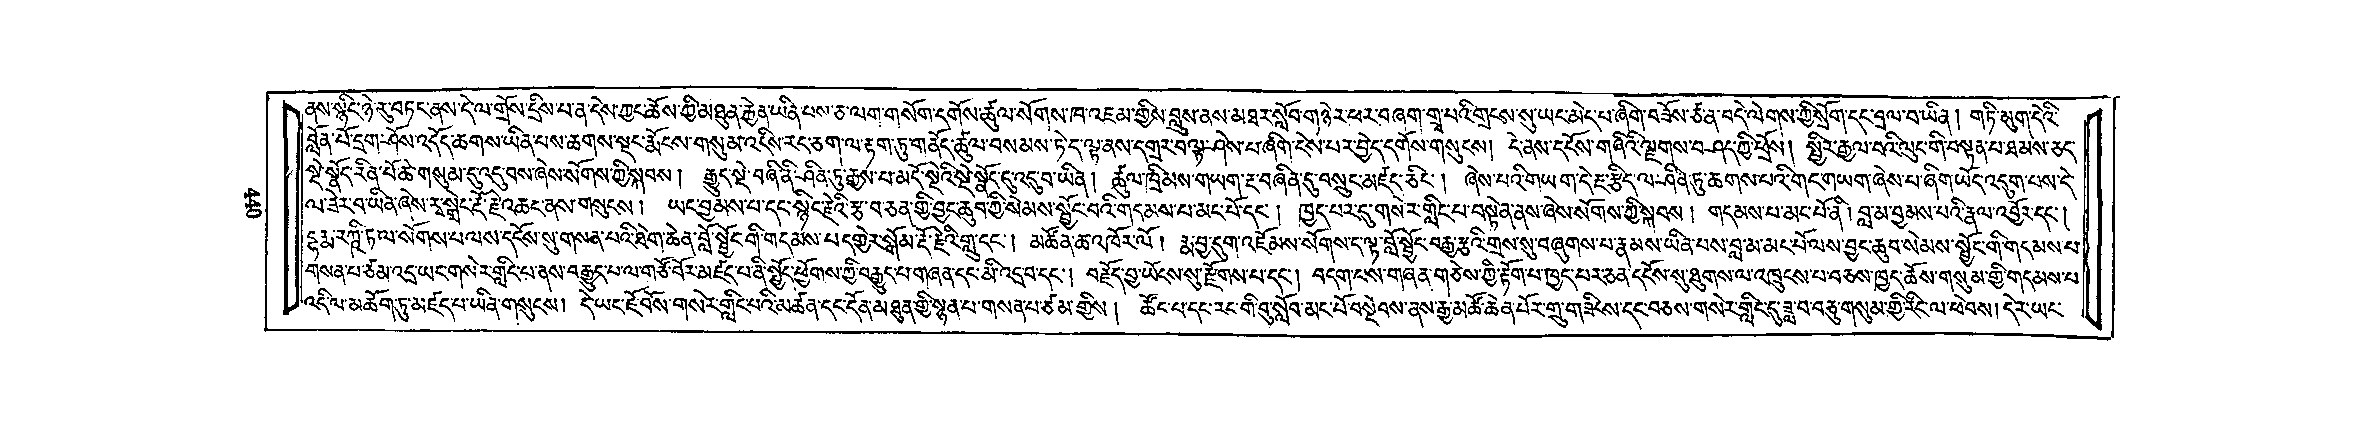ནས་སྙིང་ཉེ་རུ་བཏང་ནས་དེ་ལ་གྲོས་དྲིས་པ་ན་དེས་ཀྱང་ཆོས་ཀྱི་མཐུན་རྐྱེན་ཡིན་པས་ཅ་ལག་གསོག་དགོས་ཚུལ་སོགས་ཁ་འཇམ་གྱིས་བླུས་ནས་མཐར་སློབ་གཉེར་ཕར་བཞག་གྲྭ་པའི་གྲངས་སུ་ཡང་མེད་པ་ཞིག་བཟོས་ཙ་ན་བདེ་ལེགས་ཀྱི་སྲོག་དང་བྲལ་བ་ཡིན། གཏི་མུག་དེའི་
བློན་པོ་དྲག་ཤོས་འདོད་ཆགས་ཡིན་པས་ཆགས་སྡང་རྨོངས་གསུམ་འདིས་རང་ཅག་ལ་རྟག་ཏུ་གནོད་ཚུལ་བསམས་ཏེ་ད་ལྟ་ནས་དགྲར་བལྟ་ཤེས་པ་ཞིག་ངེས་པར་བྱེད་དགོས་གསུངས། དེ་ནས་དངོས་གཞིའི་ལྗགས་བཤད་ཀྱི་ཕྲོས། སྤྱིར་རྒྱལ་བའི་ལུང་གི་བསྟན་པ་ཐམས་ཅད་
སྡེ་སྣོད་རིན་པོ་ཆེ་གསུམ་དུ་འདུ་བས་ཞེས་སོགས་ཀྱི་སྐབས། རྒྱུད་སྡེ་བཞི་ནི་ཤིན་ཏུ་རྒྱས་པ་མདོ་སྡེའི་སྡེ་སྣོད་དུ་འདུ་བ་ཡིན། ཚུལ་ཁྲིམས་གཡག་རྔ་བཞིན་དུ་བསྲུང་མཛད་ཅིང་། ཞེས་པའི་གཡག་དེ་རྔ་རྩིད་ལ་ཤིན་ཏུ་ཆགས་པའི་གང་གཡག་ཞེས་པ་ཞིག་ཡོད་འདུག་པས་དེ་
ལ་ཟེར་བ་ཡིན་ཞེས་རྭ་སྒྲེང་རྡོ་རྗེ་འཆང་ནས་གསུངས། ཡང་བྱམས་པ་དང་སྙིང་རྗེའི་རྩ་བ་ཅན་གྱི་བྱང་ཆུབ་ཀྱི་སེམས་སྦྱོང་བའི་གདམས་པ་མང་པོ་དང་། ཁྱད་པར་དུ་གསེར་གླིང་པ་བསྟེན་ནས་ཞེས་སོགས་ཀྱི་སྐབས། གདམས་པ་མང་པོ་ནི། བླ་མ་བྱམས་པའི་རྣལ་འབྱོར་དང་།
དྷརྨ་རྐྵི་ཏ་ལ་སོགས་པ་ལས་དངོས་སུ་གསན་པའི་ཐེག་ཆེན་བློ་སྦྱོང་གི་གདམས་པ་དགྱེར་སྒོམ་རྡོ་རྗེའི་གླུ་དང་། མཚོན་ཆ་འཁོར་ལོ། རྨ་བྱ་དུག་འཇོམས་སོགས་ད་ལྟ་བློ་སྦྱོང་བརྒྱ་རྩའི་གྲས་སུ་བཞུགས་པ་རྣམས་ཡིན་པས་བླ་མ་མང་པོ་ལས་བྱང་ཆུབ་སེམས་སྦྱོང་གི་གདམས་པ་
གསན་པ་ཙམ་འདྲ་ཡང་གསེར་གླིང་པ་ནས་བརྒྱུད་པ་ལ་གཙོ་བོར་མཛད་པ་ནི་སྤྱོད་ཕྱོགས་ཀྱི་བརྒྱུད་པ་གཞན་དང་མི་འདྲ་བ་དང་། བརྗོད་བྱ་ཡོངས་སུ་རྫོགས་པ་དང་། བདག་པས་གཞན་གཅེས་ཀྱི་དྲྟོག་པ་ཁྱད་པར་ཅན་དངོས་སུ་ཐུགས་ལ་འཁྲུངས་པ་བཅས་ཁྱད་ཆོས་གསུམ་གྱི་གདམས་པ་
འདི་ལ་མཆོག་ཏུ་མཛད་པ་ཡིན་གསུངས། དེ་ཡང་ཇོ་བོས་གསེར་གླིང་པའི་མཚན་དང་དོན་མཐུན་གྱི་སྙན་པ་གསན་པ་ཙམ་གྱིས། ཚོང་པ་དང་རང་གི་བུ་སློབ་མང་པོ་བསྡེབས་ནས་རྒྱ་མཚོ་ཆེན་པོར་གྲུ་གཟིངས་དང་བཅས་གསེར་གླིང་དུ་ཟླ་བ་བཅུ་གསུམ་གྱི་རིང་ལ་ཕེབས། དེར་ཡང་